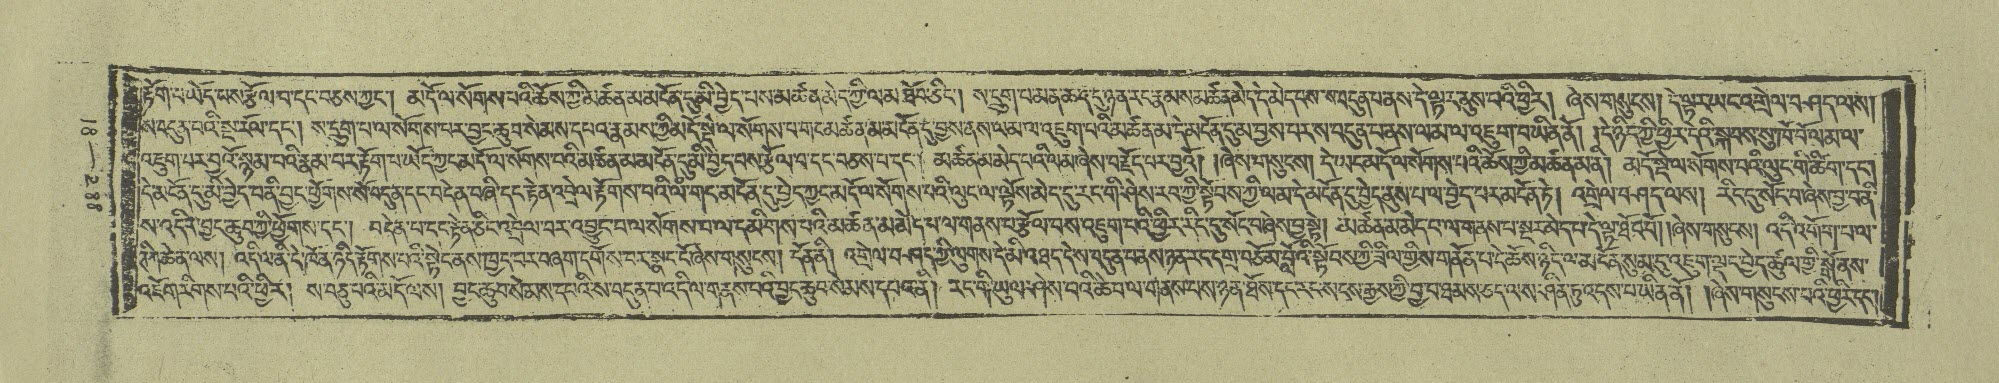རྟོག་པ་ཡོད་པས་རྩོལ་བ་དང་བཅས་ཀྱང་། མདོ་ལ་སོགས་པའི་ཆོས་ཀྱི་མཚན་མ་མངོན་དུ་མི་བྱེད་པས་མཚན་མེད་ཀྱི་ལམ་ཐོབ་ཅིང་། ས་དྲུག་པ་མན་ཆད་དུ་ཉན་རང་རྣམས་མཚན་མེད་དེ་མེད་པས་ས་བདུན་པ་ནས་དེ་ལྟར་ནུས་པའི་ཕྱིར། ཞེས་གསུངས། དེ་ལྟར་ཡང་འགྲེལ་བཤད་ལས།
ས་བདུན་པའི་སྔ་རོལ་དང་། ས་དྲུག་པ་ལ་སོགས་པར་བྱང་ཆུབ་སེམས་དཔའ་རྣམས་ཀྱི་མདོ་སྡེ་ལ་སོགས་པ་གང་མཚན་མ་མངོན་དུ་བྱས་ནས་ལམ་ལ་འཇུག་པའི་མཚན་མ་དེ་མངོན་དུ་མ་བྱས་པར་ས་བདུན་པ་ནས་ལམ་ལ་འཇུག་པ་ཡིན་ནོ། །དེ་ཉིད་ཀྱི་ཕྱིར་དེའི་སྐབས་སུ་ཁོ་བོ་ལམ་ལ་
འཇུག་པར་བྱའོ་སྙམ་པའི་རྩམ་པར་རྟོག་པ་ཡོད་ཀྱང་མདོ་ལ་སོགས་པའི་མཚན་མ་མངོན་དུ་མི་བྱེད་པས་རྩོལ་བ་དང་བཅས་པ་དང་། མཚན་མ་མེད་པའི་ལམ་ཞེས་བརྗོད་པར་བྱའོ། །ཞེས་གསུངས། དེ་ཡང་མདོ་ལ་སོགས་པའི་ཆོས་ཀྱི་མཚན་མ་ནི། མདོ་སྡེ་ལ་སོགས་པའི་ལུང་གི་ཚིག་དང་།
དེ་མངོན་དུ་མི་བྱེད་པ་ནི་བྱང་ཕྱོགས་སོ་བདུན་དང་བདེན་བཞི་དང་རྟེན་འབྲལ་རྟོགས་པའི་ལམ་གང་མངོན་དུ་བྱེད་ཀྱང་མདོ་ལ་སོགས་པའི་ལུང་ལ་ལྟོས་མེད་དུ་རང་གི་ཤེས་རབ་ཀྱི་སྟོབས་ཀྱི་ལམ་དེ་མངོན་དུ་བྱེད་ནུས་པ་ལ་བྱེད་པར་མངོན་ཏེ། འགྲེལ་བཤད་ལས། རིང་དུ་སོང་བ་ཞེས་བྱ་བ་ནི་
ས་འདིར་བྱང་ཆུབ་ཀྱི་ཕྱོགས་དང་། བདེན་པ་དང་རྟེན་ཅིང་འབྲེལ་བར་འབྱུང་བ་ལ་སོགས་པ་ལ་དམིགས་པའི་མཚན་མ་མེད་པ་ལ་གནས་པ་རྩོལ་བས་འཇུག་པའི་ཕྱིར་རིང་དུ་སོང་བ་ཞེས་བྱ་སྟེ། མཚན་མ་མེད་པ་ལ་གནས་པ་སྔར་མེད་པ་དེ་ལྟ་ཐོབ་བོ། །ཞེས་གསུངས། འདི་འགོག་པ་ལ་
ཊིཀ་ཆེན་ལས། འདི་ལ་ནི་དེ་ཁོ་ན་ཉིད་རྟོགས་པའི་སྟེང་ནས་ཁྱད་པར་བཞག་དགོས་པར་སྣང་ངོ་ཞེས་གསུངས། དོན་ནི། འགྲེལ་བཤད་ཀྱི་ལུགས་དེ་མི་འཐད་དེ་ས་བདུན་པ་ནས་ཉན་རང་དགྲ་བཅོམ་བློའི་སྟོབས་ཀྱི་ཟིལ་གྱིས་གནོན་པ་དེ་ཆོས་ཉིད་ལ་མངོན་སུམ་དུ་འཇུག་ལྡད་བྱེད་ཚུལ་གྱི་སྒོ་ནས་
འཇོག་རིགས་པའི་ཕྱིར། ས་བཅུ་པའི་མདོ་ལས། བྱང་ཆུབ་སེམས་དཔའི་ས་བདུན་པ་འདི་ལ་གནས་པའི་བྱང་ཆུབ་སེམས་དཔའ་ནི། རང་གི་ཡུལ་ཤེས་པའི་ཆེ་བ་ལ་གནས་པས་ཉན་ཐོས་དང་རང་སངས་རྒྱས་ཀྱི་བྱ་བ་ཐམས་ཅད་ལས་ཤིན་ཏུ་འདས་པ་ཡིན་ནོ། །ཞེས་གསུངས་པའི་ཕྱིར་དང་།